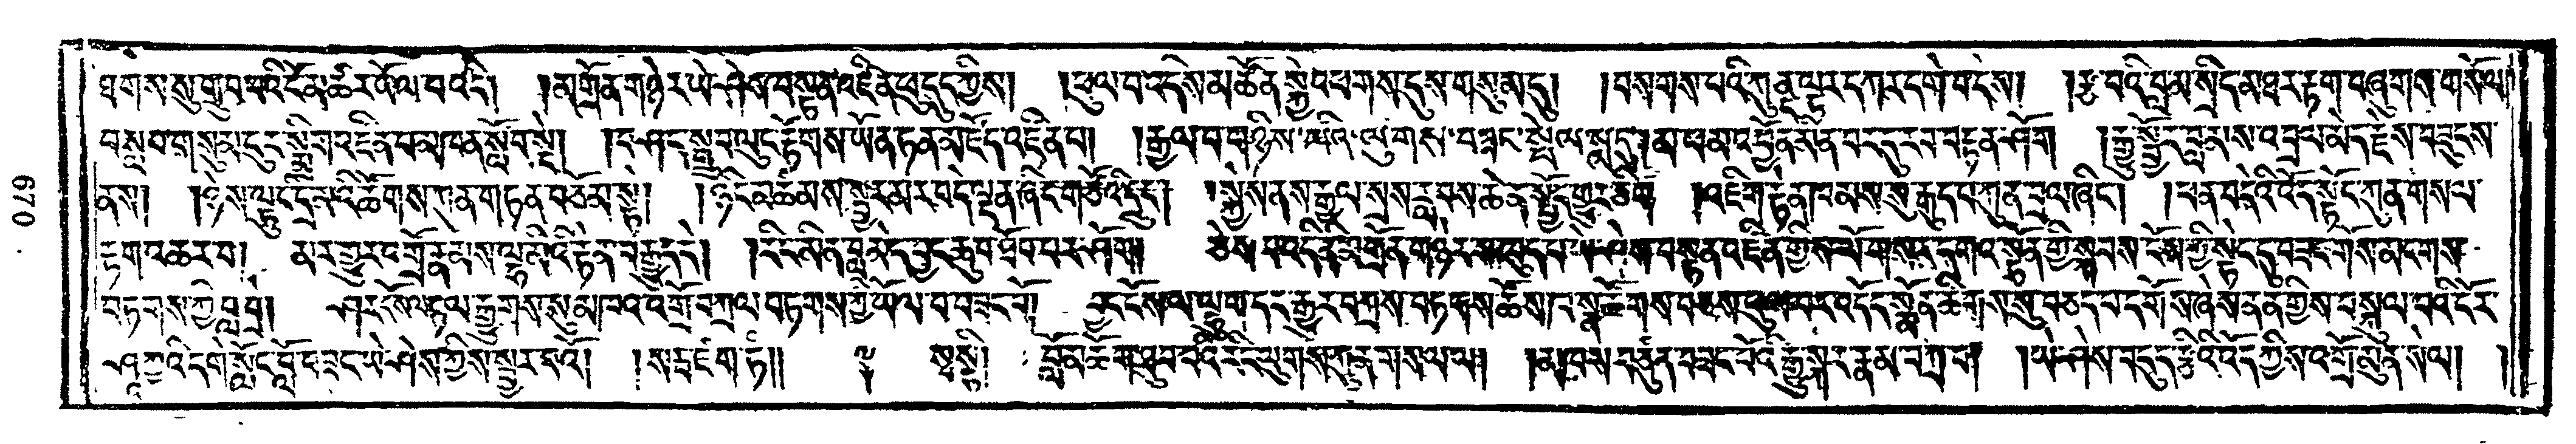ཐགས་སུ་གྲུབ་བའི་ངོ་མཚར་ཡོལ་བ་འདི། །མགྲོན་གཉེར་ཡེ་ཤེས་བསྟན་འཛིན་ཕུ་དུད་ཀྱིས། །ཕུལ་བ་འདིས་མཚོན་སྐྱེ་འཕགས་དུས་གསུམ་དུ། །བསགས་པའི་ཀུནྡ་ལྟར་དཀར་དགེ་བ་དེས། །རྩ་བའི་བླ་མ་སྲིད་མཐར་རྟག་བཞུགས་གསོལ། །
བསླབ་གསུམ་ངུར་སྨྲིག་འཛིན་པ་མཁན་སློབ་སྡེ། །བཤད་སྒྲུབ་ལུང་རྟོགས་ཡོན་ཏན་མཛོད་འཛིན་པ། །རྒྱལ་བ་གཉིས་པའི་ལུགས་བཟང་སྤེལ་སླད་ཟམ་ཕ་མ་འབྱོན་མིན་བར་དུ་རབ་བརྟན་ཤོག། །རྒྱུ་སྦྱོར་བླ་མས་འབྲལ་མེད་རྗེས་བཟུངས་
ནས། །ཉེས་ལྟུང་དྲི་མའི་ཚོགས་ཀུན་གཏན་བཅོམ་སྟེ། །ཉིང་མཚམས་སྦྱར་མར་བདེ་ལྡན་ཞིང་གཙོའི་དྲུང་། །སྐྱེས་ནས་རྒྱལ་སྲས་རླབས་ཆེན་སྤྱོད་གྱུར་ཅིག །འཇིག་རྟེན་ཁམས་སུ་རྒུད་པ་ཀུན་བྲལ་ཞིང་། །ཕན་བདེའི་འོད་སྟོང་ཀུན་གསལ་
རྟག་འཆར་བ། མར་གྱུར་འགྲོ་རྣམས་ལྷ་མིའི་རྟེན་བརྒྱུད་དེ། །རིང་མིན་བླ་མེད་བྱང་ཆུབ་ཐོབ་པར་ཤོག། །ཅེས་བ་འདི་མའི་མགྲོན་གཉེར་ས་ཁུང་བ་ཡེ་ཤེས་བསྟན་འཛིན་ཀྱིས་ལོ་གསར་དགའ་སྟོན་གྱི་སྐབས་ངོས་ཀྱི་སྟེང་དུ་བཟང་གོས་མངགས་
བཏགས་ཀྱི་བླ་བྲེ། ཤར་ངོས་ལྟར་གྱུགས་སུམ་མཁའ་འགྲོ་བཀྲལ་བཏགས་ཀྱི་ཡོལ་བ་བཟང་པོ། བྱང་ངོས་ལ་ལྷུག་དང་རྒྱུར་བཀྲས་བཏགས་ཆོས་ཁ་སྣ་ཚོགས་བཅས་ཕུལ་བར་འདོད་སྨོན་ཚིགས་སུ་བཅད་པ་དགོས་ཞེས་ནན་གྱིས་བསྐུལ་བའི་ངོར་
ཤཱཀྱའི་དགེ་སློང་བློ་བཟང་ཡེ་ཤེས་ཀྱིས་སྦྱར་བའོ། །སརྦ་ཛག་ཏཾ།། ༈ སྭསྟི། བློ་མཆོག་ཐུ་པའི་རིང་ལུགས་ཀུན་གསལ་ལ། །མཁས་བཙུན་བཟང་པོའི་རྒྱུ་སྐར་རྣམ་བཀྲ་བ། །ཡེ་ཤེས་བདུད་རྩིའི་འོད་ཀྱིས་འགྲོ་མུན་སེལ།